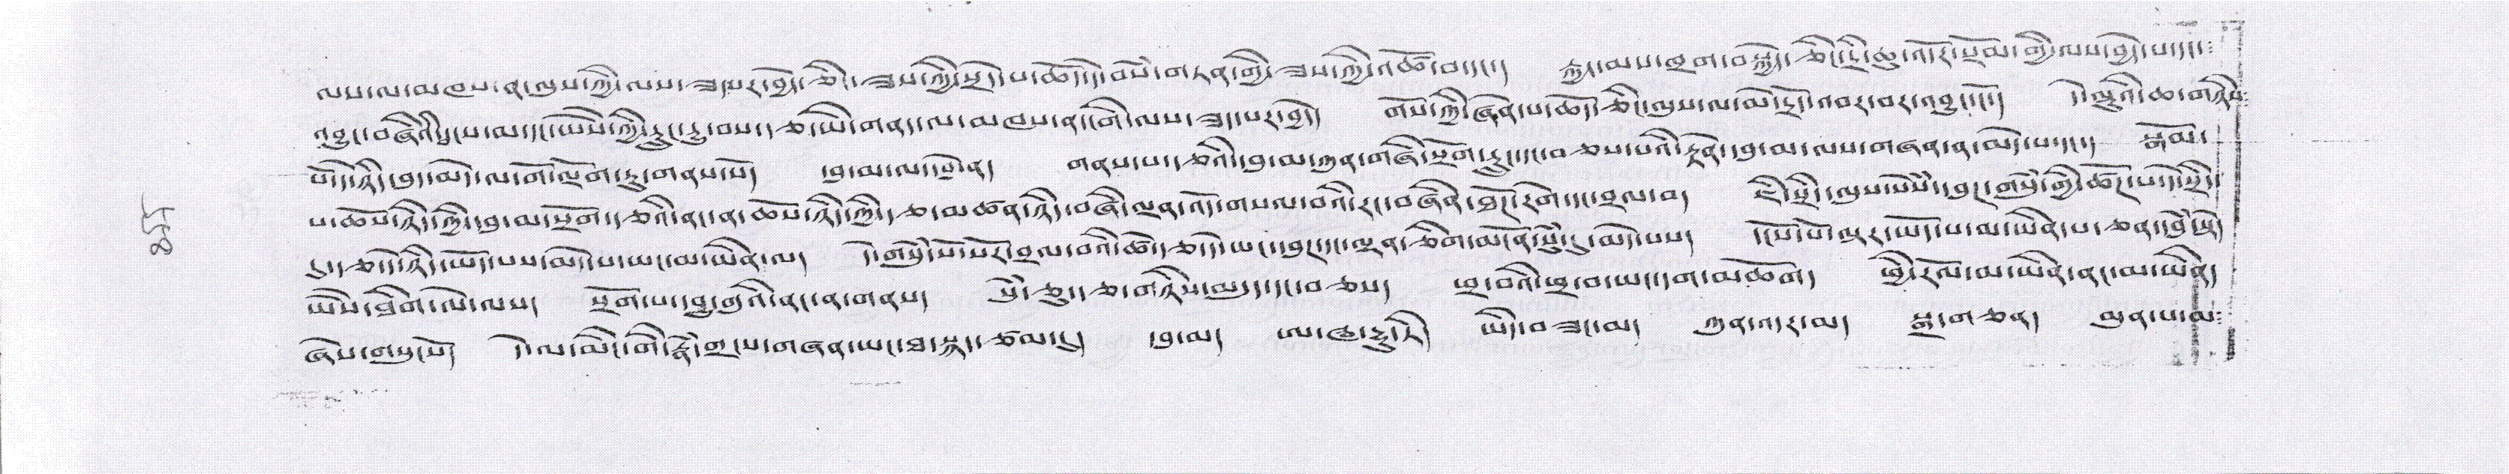ལས་ལ་མཁས་ན་ལུས་ཀྱི་ལས་ཟད་པར་བྱེད་ཅིང་ཟས་ཀྱི་སྲེད་པ་ཆོད་དེ་བསམ་གཏན་གྱི་ཟས་ཀྱིས་འཚོ་བ་དང་། རྐྱང་མས་ཁྲག་བསྐྱེད་ཅིང་དྲི་ཆུ་འདོར་སྡོམ་གྱི་ལས་བྱེད་པ་དང་
འབྱུང་བཞིའི་དྭང་མ་ཡེ་ཤེས་ཀྱི་རླུང་རྒྱུ་བས་རྩ་ཡི་གནད་ལ་མཁས་ན་ངག་གི་ལས་ཟད་པར་བྱེད། གོས་ཀྱི་ཞེན་པ་ཆོད་ཅིང་ལུས་ལ་མེ་དྲོད་འབར་བར་འབྱུང་ངོ་། དེ་ལྟ་བུའི་ཆ་གཉིས་
པོ་དེ་ཉིད་བུད་མེད་ལ་གོ་ལྡོག་ཏུ་གནས་སོ། དབུ་མ་ལ་ཕྱེ་ན་གནས་པ་རྩ་ཡི་དབུ་མ་ཀུན་གཞི་སྲོག་རླུང་དང་བཅས་པའི་རྟེན་དབུ་མ་ལས་གཞན་ན་མེད་པ་དང་། སྒོམ་
པ་ཆོས་ཉིད་ཀྱི་དབུ་མ་སྲོག་རྩའི་ནང་ན་ཆོས་ཉིད་ཀྱི་རྩ་མཚན་ཉིད་བཞི་ལྡན་འོད་གསལ་བའི་རང་བཞིན་ཐོགས་རེག་དང་བྲལ་བ། ཇི་སྲིད་ལུས་སེམས་དབུགས་གསུམ་གྱི་ཚོགས་པ་དེ་སྲིད་
དུ་རྩ་དེ་ཉིད་ཡོད་པས་མེད་པ་ཡང་མ་ཡིན་ལ། དེ་གསུམ་སོ་སོར་བྲལ་བའི་ཚེ་རྩ་དེ་ཡང་དབུགས་དང་ལྡན་པ་ཞིག་མངོན་སུམ་དུ་མེད་པས་དངོས་པོ་ལྟར་ཡོད་པ་མ་ཡིན་པ་ཅན་དབུ་མ་སྟོད་
ཡེ་ཤེས་ཐིག་ལེ་ལས། སྲོག་པ་དབྱུ་གུའི་ནང་ན་གནས། སུམ་ཅུ་རྩ་གཉིས་མདུད་དང་བཅས། ཕྲ་བའི་ཕྲ་བ་ཡང་དག་མཆོག ཕྱི་རོལ་མ་ཡིན་ནང་མ་ཡིན། 
ཞེས་གསུངས་སོ། དེ་ལ་མིང་གི་རྣམ་གྲངས་གཞན་ཡང་ཐ་སྙད་ཙམ་དུ། དབུ་མ་ཨ་ཝ་དྷུ་ཏི་ཡིད་བཟང་མ་ཀུན་འདར་མ་སྒྲ་གཅན་མུན་པ་མ་